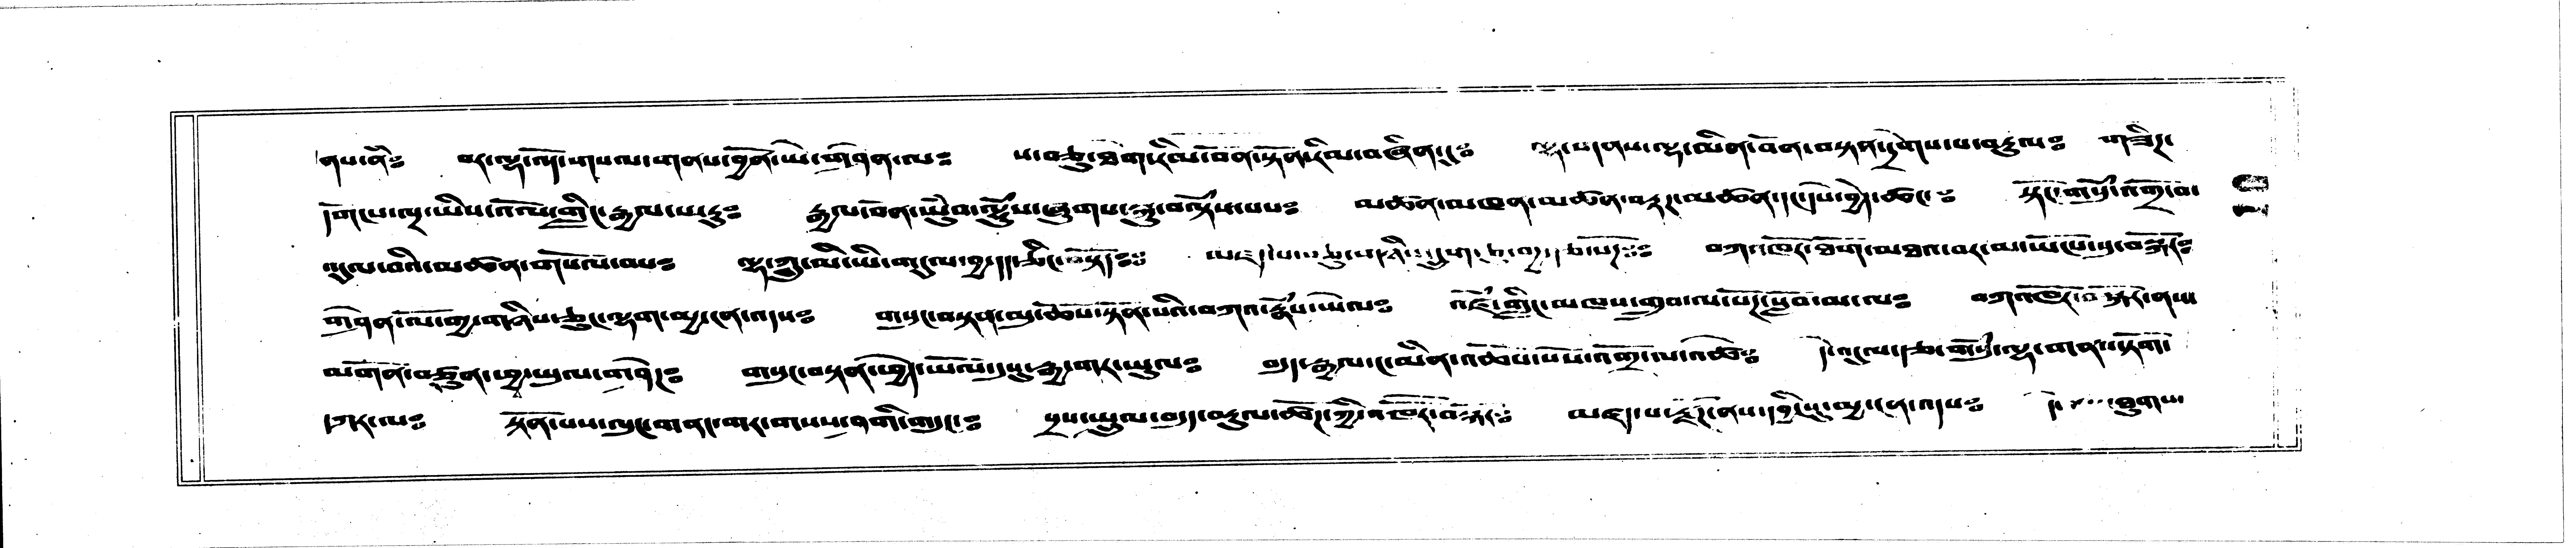ནས་ནིཿ བར་ལྷ་འོད་གསལ་གནས་བྱོན་ཡེ་གཤེན་ལཿ ས་བཅུ་ཐེག་རིམ་བོན་སྟོན་རིམ་བཞིན་དུཿ ལྷ་གནས་ལྷ་མིན་བོན་བསྟན་དྲེགས་པ་བཏུལཿ གཟིགས་
དགོངས་ལྔ་ཡིས་འོལ་གླིང་རྒྱལ་ས་རུཿ རྒྱལ་བོན་ཡབ་ཡུམ་ལྷུམ་ཞུགས་སྐུ་བལྟམས་པསཿ མཚན་མཁན་མཚན་བཏགས་མཚན་དང་དཔེ་བྱད་ཚངཿ སྟོང་གསུམ་འགྲོ་བ་
འདུལ་བའི་མཚན་གསོལ་བསཿ ལྷ་ཀླུ་མི་ཡི་གདུལ་བྱ་དད་ཅིང་བསྟོདཿ མཛད་པ་བཅུ་གཉིས་དྲུག་ཅུ་བརྒྱ་རྩ་སོགསཿ བཀའ་འཁོར་ཐོག་མཐའ་བར་མ་ཡོངས་སུ་བསྐོརཿ 
གཤེན་ལོ་གྱ་གཉིས་ཅུང་ལྷག་མྱ་ངན་འདསཿ གསུང་བསྟན་མུ་ཆོས་སྟོན་པའི་བཀའ་རྣམས་སྤེལཿ འཛམ་གླིང་མཁས་གྲུབ་ལ་སོགས་སློབ་མ་ལཿ བཀའ་འཁོར་བསྐོར་ནས་
མགོན་བཙུན་ཕྱྭ་ཡུལ་གཤེགསཿ གསུང་བསྟན་ཕྱེད་ཡོལ་དུས་སུ་རྒྱ་གར་ཡུལཿ བདུད་རྒྱལ་ང་མིན་ཆོས་པོས་འགྲོ་ལ་འཚེཿ དེ་འདུལ་རྩ་གསུམ་ལྷ་གནས་གཏོ་
དཀར་ལཿ སྟོན་པས་ལུང་གནང་གར་གསས་ཤག་གི་གདུངཿ སྲས་སྤྲུལ་བདུད་བཏུལ་ཚོགས་ཀྱི་འཁོར་ལོ་བསྐོརཿ མཛད་པ་རྫོགས་ནས་དབྱིངས་སུ་མྱ་ངན་འདསཿ དེ་ནས་ཐུགས་